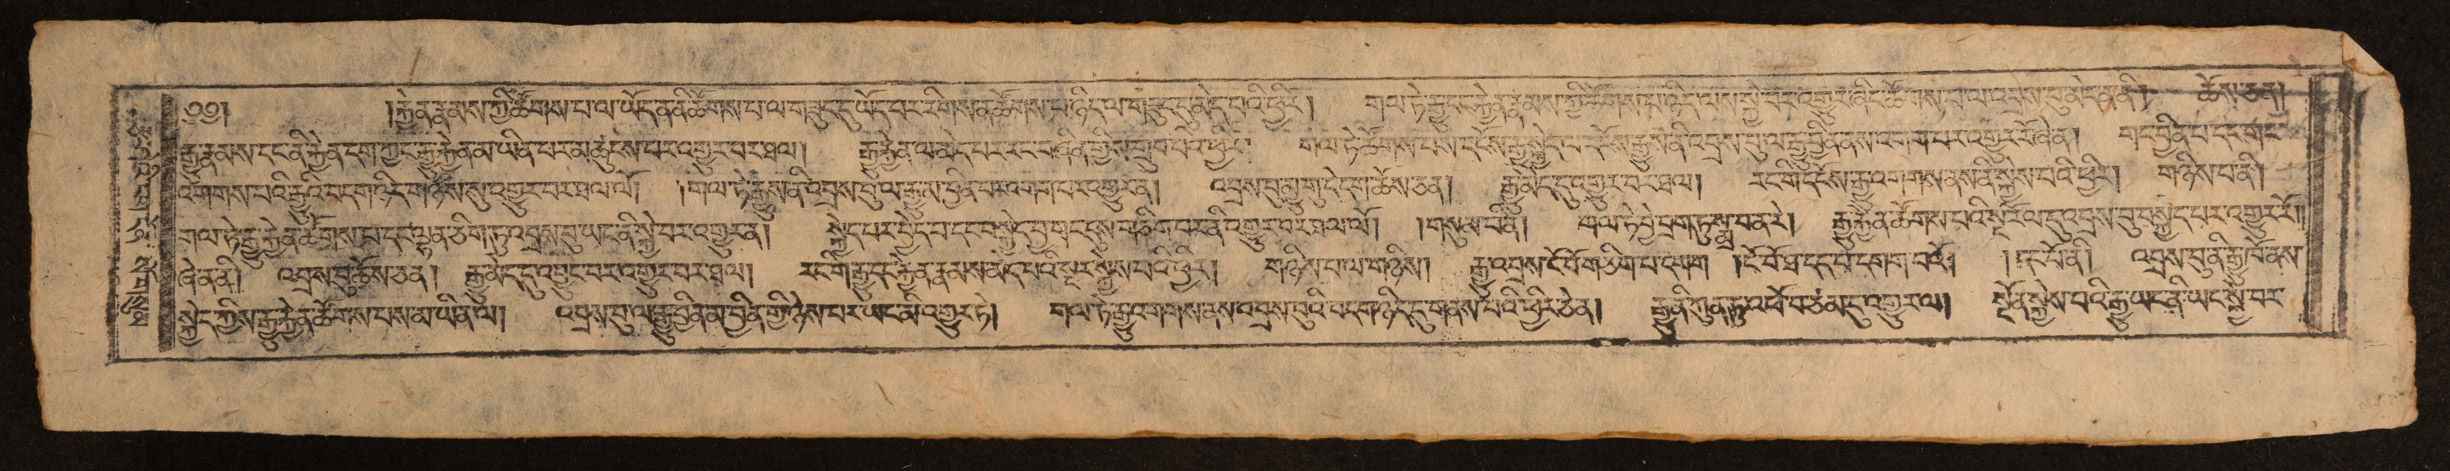༄༅། །རྐྱེན་རྣམས་ཀྱི་ཚོགས་པ་ལ་ཡོད་ན་ནི་ཚོགས་པ་ལ་གཟུང་དུ་ཡོད་པར་རིགས་ན་ཚོགས་པ་ཉིད་ལ་གཟུང་དུ་མེད་པའི་ཕྱིར། གལ་ཏེ་རྒྱུ་དང་རྐྱེན་རྣམས་ཀྱི་ཚོགས་པ་ཉིད་ལས་སྐྱེ་བར་འགྱུར་ཞིང་ཚོགས་པ་ལ་འབྲས་བུ་མེད་ན་ནི། ཆོས་ཅན།
རྒྱུ་རྣམས་དང་ནི་རྐྱེན་དག་ཀྱང་རྒྱུ་རྐྱེན་མ་ཡིན་པར་མཚུངས་པར་འགྱུར་བར་ཐལ། རྒྱུ་རྐྱེན་ལ་མེད་པར་རང་བཞིན་གྱིས་གྲུབ་པའི་ཕྱིར། གལ་ཏེ་ཚོགས་པས་དངོས་རྒྱུ་སྐྱེད་ལ་དངོས་རྒྱུས་ནི་འབྲས་བུ་ལ་རྒྱུ་བྱིན་ནས་འགག་པར་འགྱུར་རོ་ཞེ་ན། གང་བྱིན་པ་དང་གང་
འགགས་པའི་རྒྱུའི་བདག་ཉིད་གཉྀས་སུ་འགྱུར་བར་ཐལ་ལོ། །གལ་ཏེ་རྒྱུས་ནི་འབྲས་བུ་ལ་རྒྱུ་མ་བྱིན་པར་འགག་པར་འགྱུར་ན། འབྲས་བུ་མྱུ་གུ་དེ་དག་ཆོས་ཅན། རྒྱུ་མིང་དུ་འགྱུར་བར་ཐལ། རང་གི་དངོས་རྒྱུ་འགགས་ནས་ནི་སྐྱེས་པའི་ཕྱིར། གཉིས་པ་ནི།
གལ་ཏེ་རྒྱུ་རྐྱེན་ཆོགས་པ་དང་ལྷན་ཅིག་ཏུ་འབྲས་བུ་ཡང་ནི་སྐྱེ་བར་འགྱུར་ན། སྐྱེད་པར་བྱེད་པ་དང་བསྐྱེད་བྱ་གང་དུས་གཅིག་པར་ནི་འགྱུར་བར་ཐལ་ལོ། །གསུམ་པ་ནི། གལ་ཏེ་བྱེ་བྲག་ཏུ་སྨྲ་བ་ན་རེ། རྒྱུ་རྐྱེན་ཚོགས་པའི་སྔོ་རལ་དུ་འབྲས་བུ་བསྐྱེད་པར་འགྱུར་རོ།
ཞེ་ན་ནི། འབྲས་བུ་ཆོས་ཅན། རྒྱུ་མེད་དུ་འབྱུང་བར་འགྱུར་བར་ཐལ། རང་གི་རྒྱུ་དང་རྐྱེན་རྣམས་མེད་པའི་སྔར་སྐྱེས་པའི་ཕྱིར། གཉིས་པ་ལ་གཉིས། རྒྱུ་འབྲས་ངོ་བོ་གཅིག་པ་དགག །ངོ་བོ་ཐ་དད་པ་དགག་པའོ། །དང་པོ་ནི། འབྲས་བུ་ནི་རྒྱུ་ཁོ་ནས་
སྐྱེད་ཀྱིས་རྒྱུ་རྐྱེན་ཚོགས་པས་མ་ཡིན་ལ། འབྲས་བུ་ལ་རྒྱུ་བྱིན་མ་བྱིན་གྱི་ཉེས་པར་ཡང་མི་འགྱུར་ཏེ། གལ་ཏེ་རྒྱུ་འགགས་ནས་འབྲས་བུའི་བདག་ཉིད་དུ་གནས་པའི་ཕྱིར་ཅེ་ན། རྒྱུ་ནི་ཀུན་ཏུ་འཕོ་བ་ཙམ་དུ་འགྱུར་ལ། སྔོན་སྐྱེས་པའི་རྒྱུ་ཡང་ནི་ཡང་སྐྱེ་བར།